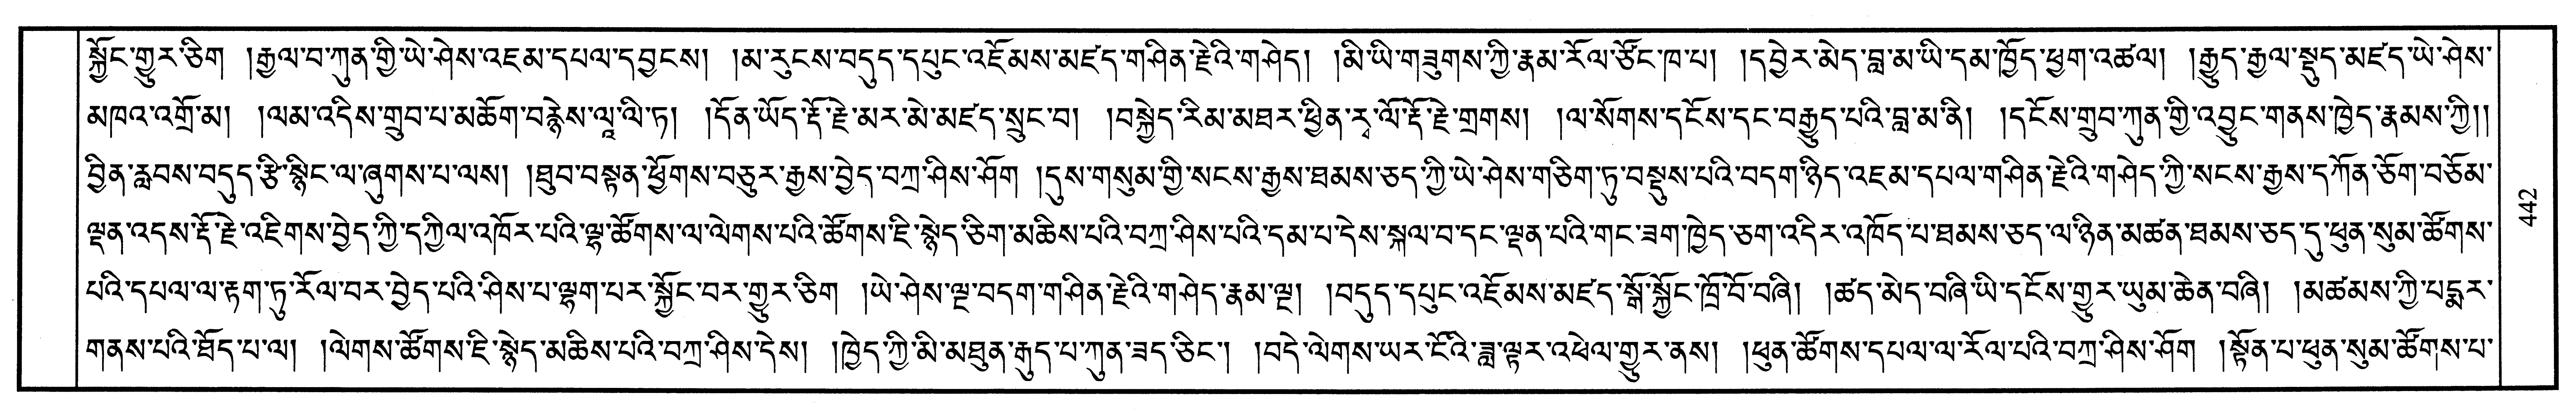སྐྱོང་གྱུར་ཅིག །རྒྱལ་བ་ཀུན་གྱི་ཡེ་ཤེས་འཇམ་དཔལ་དབྱངས། །མ་རུངས་བདུད་དཔུང་འཇོམས་མཛད་གཤིན་རྗེའི་གཤེད། །མི་ཡི་གཟུགས་ཀྱི་རྣམ་རོལ་ཙོང་ཁ་པ། །དབྱེར་མེད་བླ་མ་ཡི་དམ་ཁྱོད་ཕྱག་འཚལ། །རྒྱུད་རྒྱལ་སྡུད་མཛད་ཡེ་ཤེས་
མཁའ་འགྲོ་མ། །ལམ་འདིས་གྲུབ་པ་མཆོག་བརྙེས་ལཱ་ལི་ཏ། །དོན་ཡོད་རྡོ་རྗེ་མར་མེ་མཛད་སྲུང་བ། །བསྐྱེད་རིམ་མཐར་ཕྱིན་རྭ་ལ་རྡོ་རྗེ་གྲགས། །ལ་སོགས་དངོས་དང་བརྒྱུད་པའི་བླ་མ་ནི། །དངོས་གྲུབ་ཀུན་གྱི་འབྱུང་གནས་ཁྱེད་རྣམས་ཀྱི།།
བྱིན་རླབས་བདུད་རྩིའི་སྙིང་ལ་ཞུགས་པ་ལས། །ཐུབ་བསྟན་ཕྱོགས་བཅུར་རྒྱས་བྱེད་བཀྲ་ཤིས་ཤོག །དུས་གསུམ་གྱི་སངས་རྒྱས་ཐམས་ཅད་ཀྱི་ཡེ་ཤེས་གཅིག་ཏུ་བསྡུས་པའི་བདག་ཉིད་འཇམ་དཔལ་གཤིན་རྗེའི་གཤེད་ཀྱི་སངས་རྒྱས་དཀོན་ཅོག་བཅོམ་
ལྡན་འདས་རྡོ་རྗེ་འཇིགས་བྱེད་ཀྱི་དཀྱིལ་འཁོར་པའི་ལྷ་ཚོགས་ལ་ལེགས་པའི་ཚོགས་ཇི་སྙེད་ཅིག་མཆིས་པའི་བཀྲ་ཤིས་པའི་དམ་པ་དེས་སྐལ་བ་དང་ལྡན་པའི་གང་ཟག་ཁྱེད་ཅག་འདིར་འཁོད་པ་ཐམས་ཅད་ལ་ཉིན་མཚན་ཐམས་ཅད་དུ་ཕུན་སུམ་ཚོགས་
པའི་དཔལ་ལ་རྟག་ཏུ་རོལ་བར་བྱེད་པའི་ཤིས་པ་ལྷག་པར་སྐྱོང་བར་གྱུར་ཅིག །ཡེ་ཤེས་ལྔ་བདག་གཤིན་རྗེའི་གཤེད་རྣམ་ལྔ། །བདུད་དཔུང་འཇོམས་མཛད་སྒོ་སྐྱོང་ཁྲོ་བོ་བཞི། །ཚད་མེད་བཞི་ཡི་དངོས་གྱུར་ཡུམ་ཆེན་བཞི། །མཚམས་ཀྱི་པདམར་
གནས་པའི་ཐོད་པ་ལ། །ལེགས་ཚོགས་ཇི་སྙེད་མཆིས་པའི་བཀྲ་ཤིས་དེས། །ཁྱེད་ཀྱི་མི་མཐུན་རྒུད་པ་ཀུན་ཟད་ཅིང་། །བདེ་ལེགས་ཡར་ངོའི་ཟླ་ལྟར་འཕེལ་གྱུར་ནས། །ཕུན་ཚོགས་དཔལ་ལ་རོལ་པའི་བཀྲ་ཤིས་ཤོག །སྟོན་པ་ཕུན་སུམ་ཚོགས་པ་